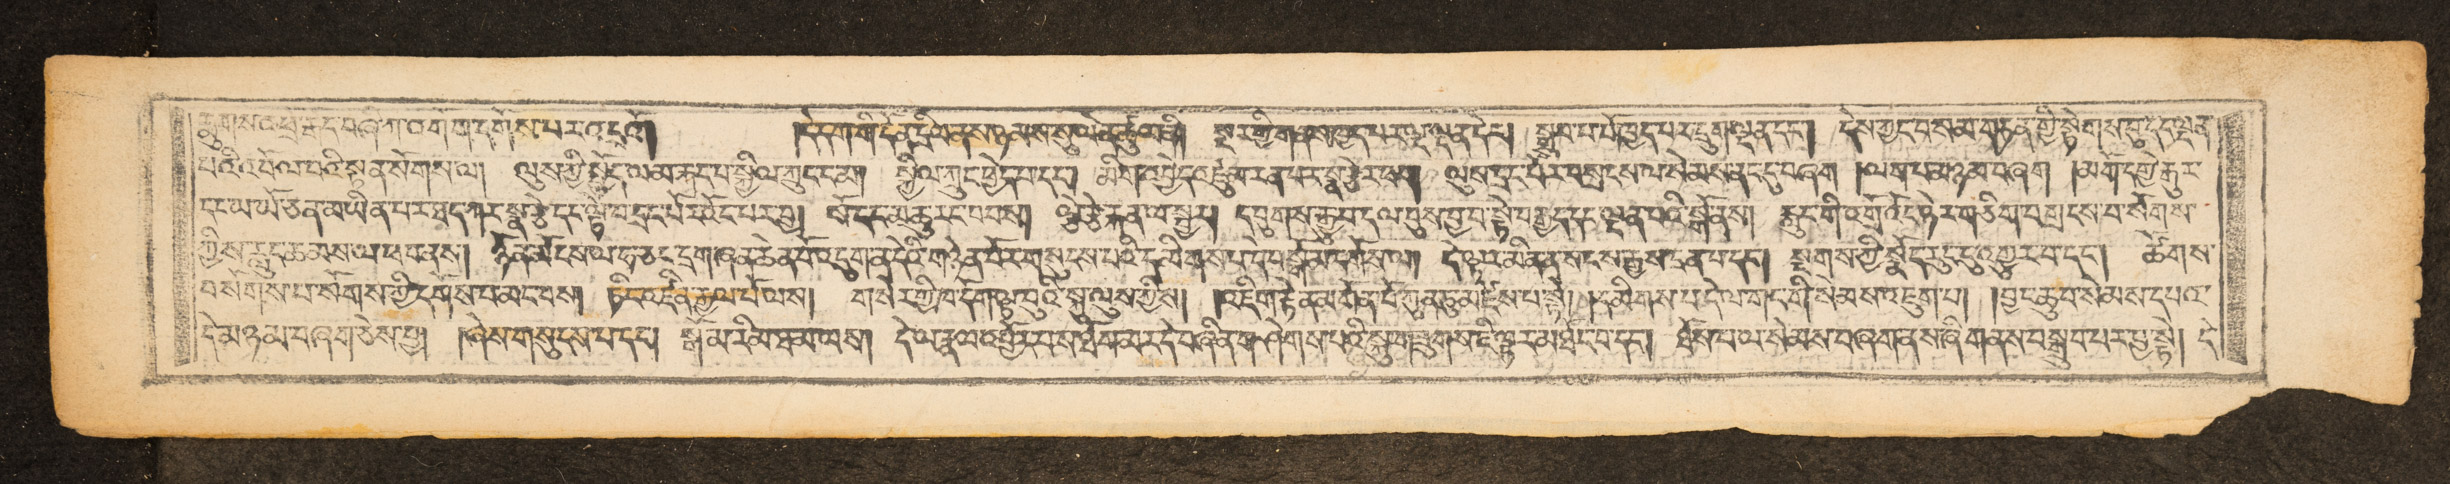རྨུགས་འཕྲོ་རྒོད་བཞི་ཀ་འགོག་དགོས་པར་འདྲའོ། །དེ་དག་གི་དོན་དྲིལ་ནས་ཉམས་སུ་ལེན་ཚུལ་ནི། སྔར་གྱི་གནས་ཁྱད་པར་ལྔ་ལྡན་དེར། སྒྲུབ་པ་པོ་ཁྱད་པར་དྲུག་ལྡན་དང་། དེས་ཀྱང་བསམ་གཏན་གྱི་སྟེགས་བུ་དང་ལྡན་
པའི་འབོལ་བའི་སྟན་སོགས་ལ། ལུས་ཀྱི་སྤྱོད་ལམ་རྐང་པ་སྐྱིལ་ཀྲུང་ངམ། སྐྱིལ་ཀྲུང་ཕྱེད་བ་དང་། མིག་འབྱེད་འཛུམ་རན་པར་སྣ་རྩེར་ཕབ། ལུས་དྲང་པོར་བསྲངས་ལ་སེམས་ནང་དུ་བཞག །ལག་པ་མཉམ་བཞག །མགོ་དགྱེ་རྒུར་
དང་ཡ་ཡོ་ཅན་མ་ཡིན་པར་ཐད་ཀར་སྣ་རྩེ་དང་ལྟེ་བ་དྲང་པོར་འོང་པར་བྱ། སོ་དང་མཆུ་རང་བབས། ལྕེ་རྩེ་རྐན་ལ་སྦྱར། དབུགས་རྒྱུ་བ་དལ་བུས་བྱ་བ་སྟེ་བརྒྱད་དང་ལྡན་པའི་སྒོ་ནས། རླུང་གི་འགྲོ་འོང་ཉེར་གཅིག་བགྲངས་པ་སོགས་
ཀྱིས་རླུང་རྣམས་ལ་ཕབ་ནས། ཉོན་མོངས་ལ་ཧ་ཅང་དྲག་གཞན་ཆེན་པོ་འདུག་ན་དེའི་གཉེན་པོར་གསུངས་པའི་དམིགས་པ་དེ་བསྒོམ་དགོས་ལ། དེ་ལྟར་མེན་ན་སངས་རྒྱས་དྲན་པ་དང་། སྔགས་ཀྱི་སྣོད་རུང་དུ་འགྱུར་བ་དང་། ཚོགས་
པ་སོགས་པ་སོགས་ཀྱི་དགོས་པ་མང་བས། ཏིང་འཛིན་རྒྱལ་པོ་ལས། གསེར་གྱི་ཁ་དོག་ལྟ་བུའི་སྐུ་ལུས་ཀྱིས། །འཇིག་རྟེན་མགོན་པོ་ཀུན་ཏུ་མཛེས་པ་སྟེ། །དམིགས་པ་དེ་ལ་གང་གི་སེམས་འཇུག་པ། །བྱང་ཆུབ་སེམས་དཔའ་
དེ་མཉམ་བཞག་ཅེས་བྱ། །ཞེས་གསུངས་པ་དང་། སྒོམ་རིམ་ཐ་མ་ལས། དེ་ལ་རྣལ་འབྱོར་པས་ཐོག་མར་དེ་བཞིན་གཤེགས་པའི་སྐུ་གཟུགས་ཇི་ལྟར་མཐོང་བ་དང་། ཐོས་པ་ལ་སེམས་བཞག་ནས་ཞི་གནས་བསྒྲུབ་པར་བྱ་སྟེ། དེ་